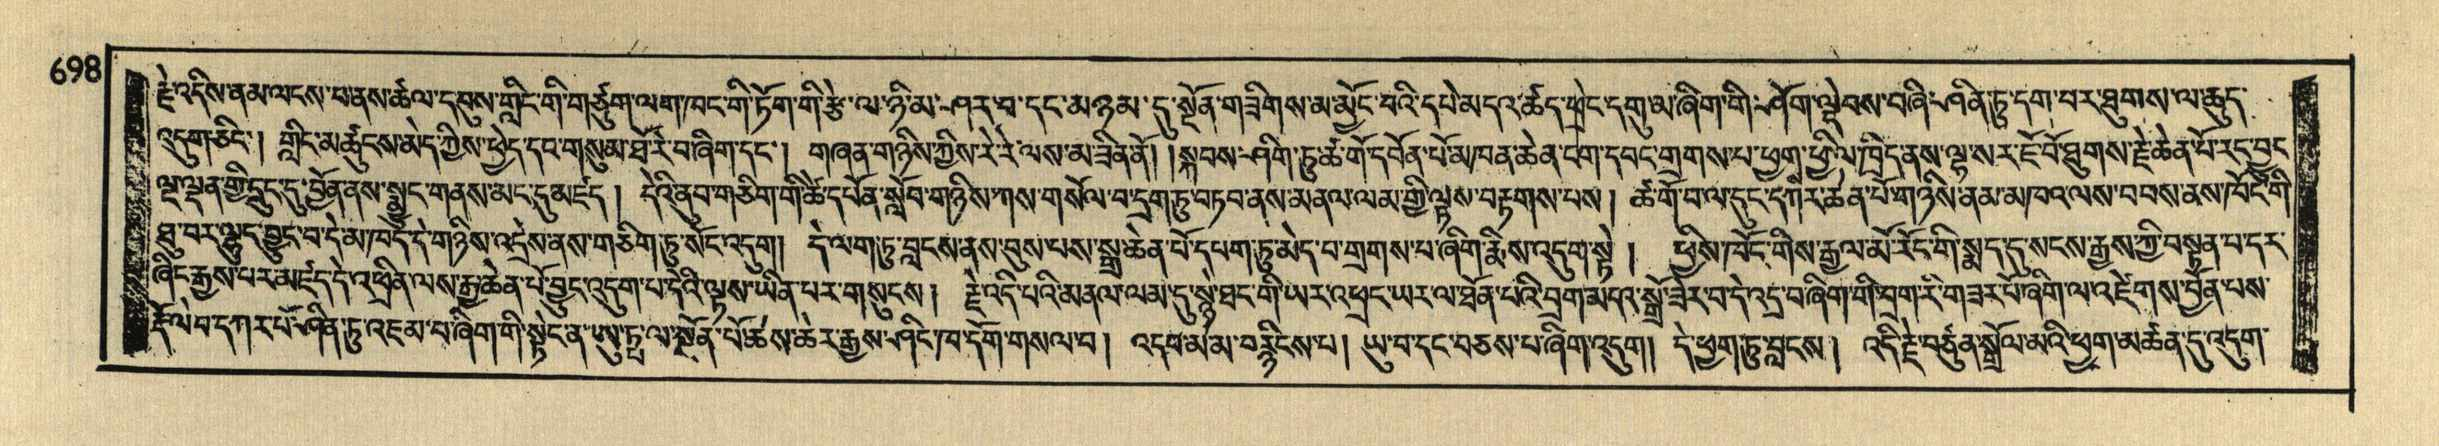རྗེ་འདིས་ནམ་ལངས་པ་ནས་ཚལ་དབུས་གླིང་གི་གཙུག་ལག་ཁང་གི་ཏོག་གི་རྩེ་ལ་ཉི་མ་ཤར་བ་དང་མཉམ་དུ་སྔོན་གཟིགས་མ་མྱོང་བའི་དཔེ་མདའ་ཚད་ཕྲེང་དགུ་མ་ཞིག་གི་ཤོག་ལྡེབས་བཞི་ཤིན་ཏུ་དག་པར་ཐུགས་ལ་ཆུད་
འདུག་ཅིང་། གླིང་མཚུངས་མེད་ཀྱིས་ཕྱེད་དང་གསུམ་ཐོ་རེ་བ་ཞིག་དང་། གཞན་གཉིས་ཀྱིས་རེ་རེ་ལས་མ་ཟིན་ནོ། །སྐབས་ཤིག་ཏུ་ཚ་གོ་དབོན་པོ་མཁན་ཆེན་ངག་དབང་གྲགས་པ་ཕྱགས་ཕྱི་ལ་ཁྲིད་ནས་ལྷ་སར་ཇོ་བོ་ཐུགས་རྗེ་ཆེན་པོ་རང་བྱུང་
ལྔ་ལྡན་གྱི་དྲུང་དུ་བྱོན་ནས་སྨྱུང་གནས་མང་དུ་མཛད། དེའི་ནུབ་གཅིག་གི་ཚེ་དཔོན་སློབ་གཉིས་ཀས་གསོལ་བ་དྲག་ཏུ་བཏབ་ནས་མནལ་ལམ་གྱི་ལྟས་བརྟགས་པས། ཚ་གོ་བ་ལ་དུང་དཀར་ཆེན་པོ་གཉིས་ནམ་མཁའ་ལས་བབས་ནས་ཁོང་གི་
ཐུ་བར་ལྷུང་བྱུང་བ་དེ་མ་ཁད་དེ་གཉིས་འདྲེས་ནས་གཅིག་ཏུ་སོང་འདུག། དེ་ལག་ཏུ་བླངས་ནས་བུས་པས་སྒྲ་ཆེན་པོ་དཔག་ཏུ་མེད་པ་གྲགས་པ་ཞིག་རྨིས་འདུག་སྟེ། ཕྱིས་ཁོང་གིས་རྒྱལ་མོ་རོང་གི་སྨད་དུ་སངས་རྒྱས་ཀྱི་བསྟན་པ་དར་
ཞིང་རྒྱས་པར་མཛད་དེ་འཕྲིན་ལས་རྒྱ་ཆེན་པོ་བྱུང་འདུག་པ་དེའི་ལྟས་ཡིན་པར་གསུངས། རྗེ་འདི་པའི་མནལ་ལམ་དུ་སྙེ་ཐང་གི་ཡར་འཕྲང་ཡར་ལ་ཐོན་པའི་བྲག་མདའ་སྒྲོ་ཟེར་བ་དེ་འདྲ་བ་ཞིག་གི་བྲག་རི་གཟར་པོ་ཞིག་ལ་འཛེགས་བྱོན་པས་
རྡོ་ལེབ་དཀར་པོ་ཤིན་ཏུ་འཇམ་པ་ཞིག་གི་སྟེང་ན་ཨུཏྤ་ལ་སྔོན་པོ་ཆེས་ཆེར་རྒྱས་ཤིང་ཁ་དོག་གསལ་བ། འདབ་མ་མ་བརྙིངས་པ། ཡུ་བ་དང་བཅས་པ་ཞིག་འདུག། དེ་ཕྱག་ཏུ་བླངས། འདི་རྗེ་བཙུན་སྒྲོལ་མའི་ཕྱག་མཚན་དུ་འདུག་